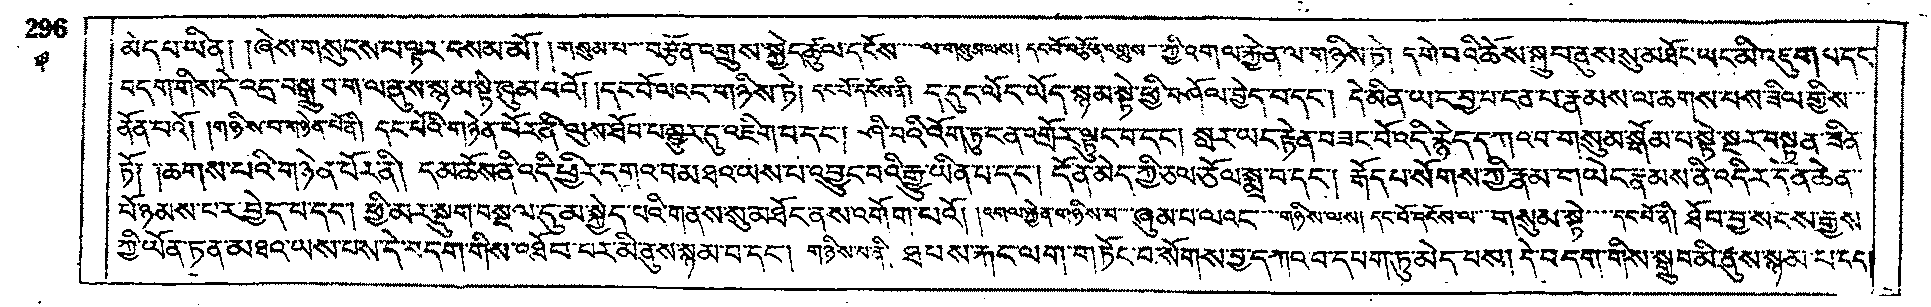མེད་པ་ཡིན། །ཞེས་གསུངས་པ་ལྟར་བསམ་མོ། །གསུམ་པ་བརྩོན་འགྲུས་སྐྱེད་ཚུལ་དངོསལ་གསུམ་ལས། དང་པོ་བརྩོན་འགྲུས་ཀྱི་འགལ་རྐྱེན་ལ་གཉིས་ཏེ། དགེ་བའི་ཆོས་སྒྲུབ་ནུས་སུ་མཐོང་ཡང་མི་འཇུག་པ་དང་
བདག་གིས་དེ་འདྲ་བསྒྲུབ་ག་ལ་ནུས་སྙམ་སྟེ་ཞུམ་པའོ། །དང་པོ་ལའང་གཉིས་ཏེ། དང་པོ་དངོས་ནི།  ད་དུང་ལོང་ཡོད་སྙམ་སྟེ་ཕྱི་བཤོལ་བྱེད་པ་དང་། དེ་མིན་ཡང་བྱ་བ་ངན་པ་རྣམས་ལ་ཆགས་པས་ཟིལ་གྱིས་
ནོན་པའོ། །གཉིས་པ་གཉེན་པོ་ནི།  དང་པོའི་གཉེན་པོར་ནི་ལུས་ཐོབ་པ་མྱུར་དུ་འཇིག་པ་དང་། ཤི་བའི་འོག་ཏུ་ངན་འགྲོར་ལྟུང་བ་དང་། སླར་ཡང་རྟེན་བཟང་པོ་འདི་རྙེད་དཀའ་བ་གསུམ་སྒོམ་པ་སྟེ་སྔར་བསྟན་ཟིན་
ཏོ༑ ༑ཆགས་པའི་གཉེན་པོར་ནི། དམ་ཆོས་ནི་འདི་ཕྱིར་དགའ་བ་མཐའ་ཡས་པ་འབྱུང་བའི་རྒྱུ་ཡིན་པ་དང་། དོན་མེད་ཀྱི་ཅལ་ཅོལ་སྨྲ་བ་དང་། རྒོད་པ་སོགས་ཀྱི་རྣམ་གཡེང་རྣམས་ནི་འདིར་དོན་ཆེན་
པོ་ཉམས་པར་བྱེད་པ་དང་། ཕྱི་མར་སྡུག་བསྔལ་དུ་མ་སྐྱེད་པའི་གནས་སུ་མཐོང་ནས་འགོག་པའོ། །འགལ་རྐྱེན་གཉིས་པ་ཞུམ་པ་ལའངགཉིས་ལས། དང་པོ་དངོས་ལ་གསུམ་སྟེ་དང་པོ་ནི།  ཐོབ་བྱ་སངས་རྒྱས་
ཀྱི་ཡོན་ཏན་མཐའ་ཡས་པས་དེ་བདག་གིས་འཐོབ་པར་མི་ནུས་སྙམ་པ་དང་། གཉིས་པ་ནི།  ཐབས་རྐང་ལག་གཏོང་བ་སོགས་བྱ་དཀའ་བ་དཔག་ཏུ་མེད་པས། དེ་བདག་གིས་སྒྲུབ་མི་ནུས་སྙམ་པ་དང་།